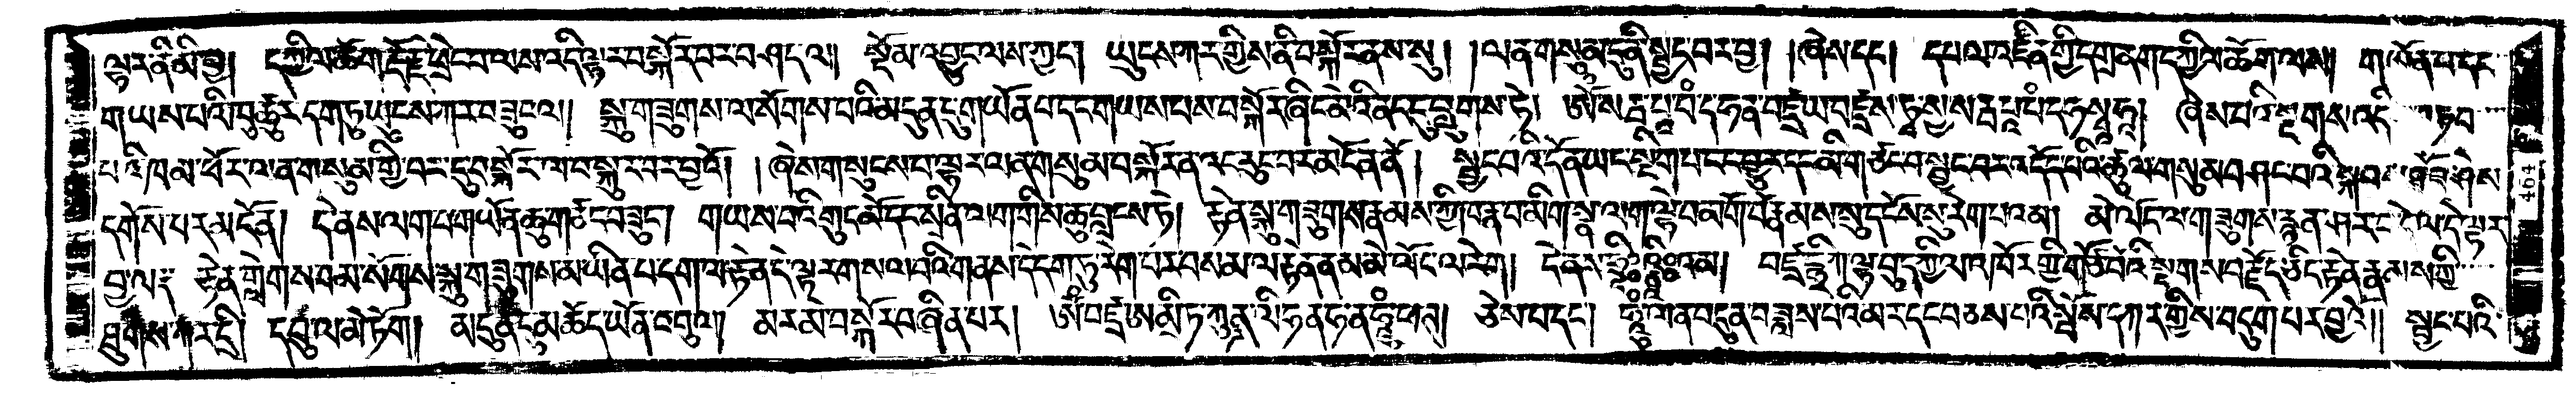ལྟར་ནི་མི་བྱ། དཀྱིལ་ཆག་རྡོ་རྗེ་ཕེང་བ་ལས་འདི་ལྟར་བསྐོར་བར་བཤད་ལ། སྡོམ་འབྱུང་ལས་ཀྱང་། ཡུངས་ཀར་གྱིས་ནི་བསྐོར་ནས་སུ། །ལན་གསུམ་དུ་ནི་སྦྱང་བར་བྱ། །ཞེས་དང་། དཔལ་འཇིག་གྱི་དགྲ་ནག་དཀྱིལ་ཆོག་ལས། གཡོན་པ་དང་
གཡས་པའི་བུ་ཚུར་དག་ཏུ་ཡུངས་ཀར་བཟུང་ལ། སྐུ་གཟུགས་ལ་སོགས་པའི་མདུན་དུ་གཡོན་པ་དང་གཡས་བས་བསྐོར་ཞིང་མེའི་ནང་དུ་བླུགས་ཏེ། ཨོ་སརྦ་པཱ་བཾ་ད་ཧན་བཛྲ་ཡ་བཛྲས་ཏཱ་སྱ་སརྦ་པཱ་བཾ་ད་ཧ་སྭཱཧཱ། ཞེས་པའི་སྔགས་འདི་བཏབ?
པའི་ཁམ་ཕོར་ལན་གསུམ་གྱི་བང་དུ་བསྐོར་ལ་བསྐུར་བར་བྱའོ། །ཞེས་གསུངས་པ་ལྟར་ལན་གསུམ་བསྐོར་ན་འང་རུང་བར་མངོན་ནོ། །སྦྱང་བའི་དོན་ཡང་སྡིག་པ་དང་བྱུར་དང་མི་གཙང་བ་སྦྱང་བར་འདོད་པའི་ཚུལ་གསུམ་བཤད་པའི་སྐབས་ཐོབ་ཤེས་
དགོས་པར་མངོན། དེ་ནས་ལག་པ་གཡོན་ཆུ་གཙང་བཟུང་། གཡས་པའི་གུང་མོ་དང་སྲིན་ལག་གིས་ཆུ་བླངས་ཏེ། རྟེན་སྐུ་གཟུགས་རྣམས་ཀྱི་ཁ་རྣ་པ་མིག་སྣ་ལག་ལྟེ་བ་མགོ་བོ་རྣམས་སུ་དངོས་སུ་རེག་པའམ། མེ་ལོང་ལ་གཟུགས་རྙན་ཤ་རང་ངེ་ལ་ཏེ་ལྟར་
བྱ་ལ། རྟེན་གླེགས་བམ་སོགས་སྐུ་གཟུགས་མ་ཡིན་པ་དག་ལ་རྟེན་དེ་ལྟར་གསལ་བའི་གནས་དེ་དག་ཏུ་རེག་པར་བསམ་ལ་རྟེན་ནམ་མེ་ཡོང་ལ་རེག། དེ་ནས་ཧྲཱིཿ སཊཊཿཨཱིཿ འམ། བཛྲ་དྷྲི་ཀ་ལྟ་བུ་དཀྱིལ་འཁོར་གྱི་གོ་ཙ་བའི་སྔགས་བརྗོད་ཅིང་རྟེན་རྣམས་ཀྱི་
ཐུགས་ཀར་དྲི། དབུལ་མེ་ཏོག །མདུན་དུ་མཆོད་ཡོན་འབུལ། མར་མེ་བསྐོར་བཞིན་པར། ཨོཾ་བཛྲ་ཨ་མྲི་ཏ་ཀུན་ལི་ཧན་ཧ་ན་ཧཱུཾ་ཕཊ། ཅེས་པ་དང་། ཧཱུཾ་ལན་བདུན་བཟླས་པའི་མར་དང་བཅས་པའི་སྦོས་དཀར་གྱིས་བདུག་པར་བྱའོ། །སྦྱང་པའི་